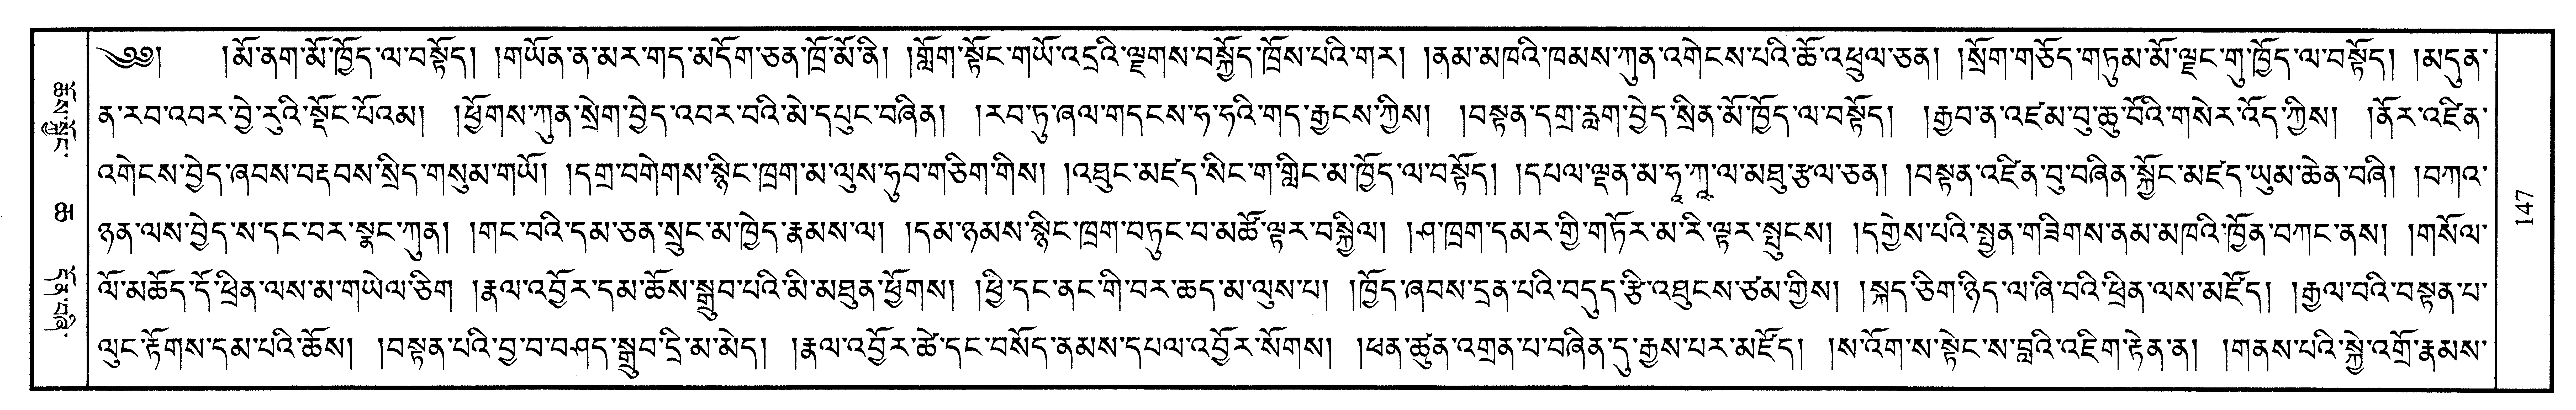༄༅། །མོ་ནག་མོ་ཁྱོད་ལ་བསྟོད། །གཡོན་ན་མར་གད་མདོག་ཅན་ཁྲོ་མོ་ནི། །གློག་སྟོང་གཡོ་འདྲའི་ལྗགས་བསྐྱོད་ཁྲོས་པའི་གར། །ནམ་མཁའི་ཁམས་ཀུན་འགེངས་པའི་ཆོ་འཕྲུལ་ཅན། །སྲོག་གཅོད་གཏུམ་མོ་ལྗང་གུ་ཁྱོད་ལ་བསྟོད། །མདུན་
ན་རབ་འབར་བྱེ་རུའི་སྡོང་པོའམ། །ཕྱོགས་ཀུན་སྲེག་བྱེད་འབར་བའི་མེ་དཔུང་བཞིན། །རབ་ཏུ་ཞལ་གདངས་ཧ་ཧའི་གད་རྒྱངས་ཀྱིས། །བསྟན་དགྲ་རླག་བྱེད་སྲིན་མོ་ཁྱོད་ལ་བསྟོད། །རྒྱབ་ན་འཛམ་བུ་ཆུ་བོའི་གསེར་འོད་ཀྱིས། །ནོར་འཛིན་
འགེངས་བྱེད་ཞབས་བརྡབས་སྲིད་གསུམ་གཡོ། །དགྲ་བགེགས་སྙིང་ཁྲག་མ་ལུས་ཧུབ་གཅིག་གིས། །འཐུང་མཛད་སིང་ག་གླིང་མ་ཁྱོད་ལ་བསྟོད། །དཔལ་ལྡན་མ་ཧཱ་ཀཱ་ལ་མཐུ་རྩལ་ཅན། །བསྟན་འཛིན་བུ་བཞིན་སྐྱོང་མཛད་ཡུམ་ཆེན་བཞི། །བཀའ་
ཉན་ལས་བྱེད་ས་དང་བར་སྣང་ཀུན། །གང་བའི་དམ་ཅན་སྲུང་མ་ཁྱེད་རྣམས་ལ། །དམ་ཉམས་སྙིང་ཁྲག་བཏུང་བ་མཚོ་ལྟར་བསྐྱིལ། །ཤ་ཁྲག་དམར་གྱི་གཏོར་མ་རི་ལྟར་སྤུངས། །དགྱེས་པའི་སྤྱན་གཟིགས་ནམ་མཁའི་ཁྱོན་བཀང་ནས། །གསོལ་
ལོ་མཆོད་དོ་ཕྲིན་ལས་མ་གཡེལ་ཅིག །རྣལ་འབྱོར་དམ་ཆོས་སྒྲུབ་པའི་མི་མཐུན་ཕྱོགས། །ཕྱི་དང་ནང་གི་བར་ཆད་མ་ལུས་པ། །ཁྱོད་ཞབས་དྲན་པའི་བདུད་རྩི་འཐུངས་ཙམ་གྱིས། །སྐད་ཅིག་ཉིད་ལ་ཞི་བའི་ཕྲིན་ལས་མཛོད། །རྒྱལ་བའི་བསྟན་པ་
ལུང་རྟོགས་དམ་པའི་ཆོས། །བསྟན་པའི་བྱ་བ་བཤད་སྒྲུབ་དྲི་མ་མེད། །རྣལ་འབྱོར་ཚེ་དང་བསོད་ནམས་དཔལ་འབྱོར་སོགས། །ཕན་ཚུན་འགྲན་པ་བཞིན་དུ་རྒྱས་པར་མཛོད། །ས་འོག་ས་སྟེང་ས་བླའི་འཇིག་རྟེན་ན། །གནས་པའི་སྐྱེ་འགྲོ་རྣམས་